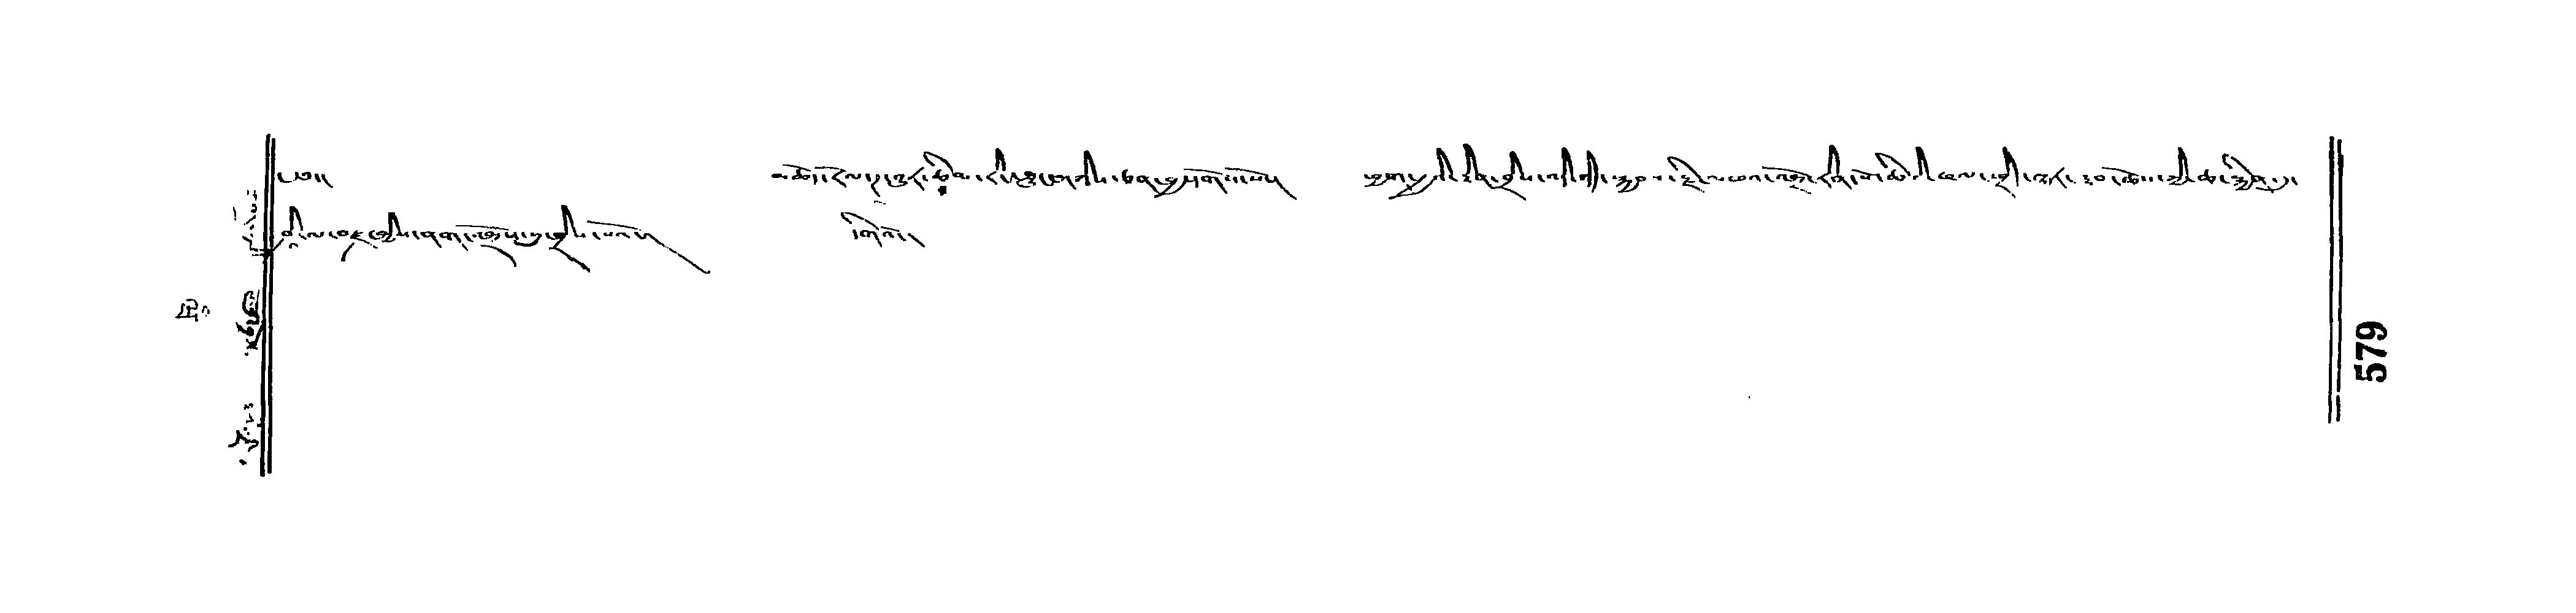མཆོད་རོལ་ཌཱ་འུར་ཆེམ་རིང་ཐུང་གཉིས་ཅན་བྱ་དགོས་སོ། ཕྱག་རྒྱའི་ཟིན་བྲིས་འདི་ཉིད་༧སྐྱབས་རྗེ་མཁའ་འགྲོ་རིན་པོ་ཆེའི་ཞལ་ཁྲིད་ལྟར་ཟབ་ཆོས་ཀྱི་ཆ་རྐྱེན་དུ་
ཤཱི་ལ་བཛྲ་གྱིས་ནག་འགྲོས་སུ་བྲིས་པའོ།། དགེའོ།།